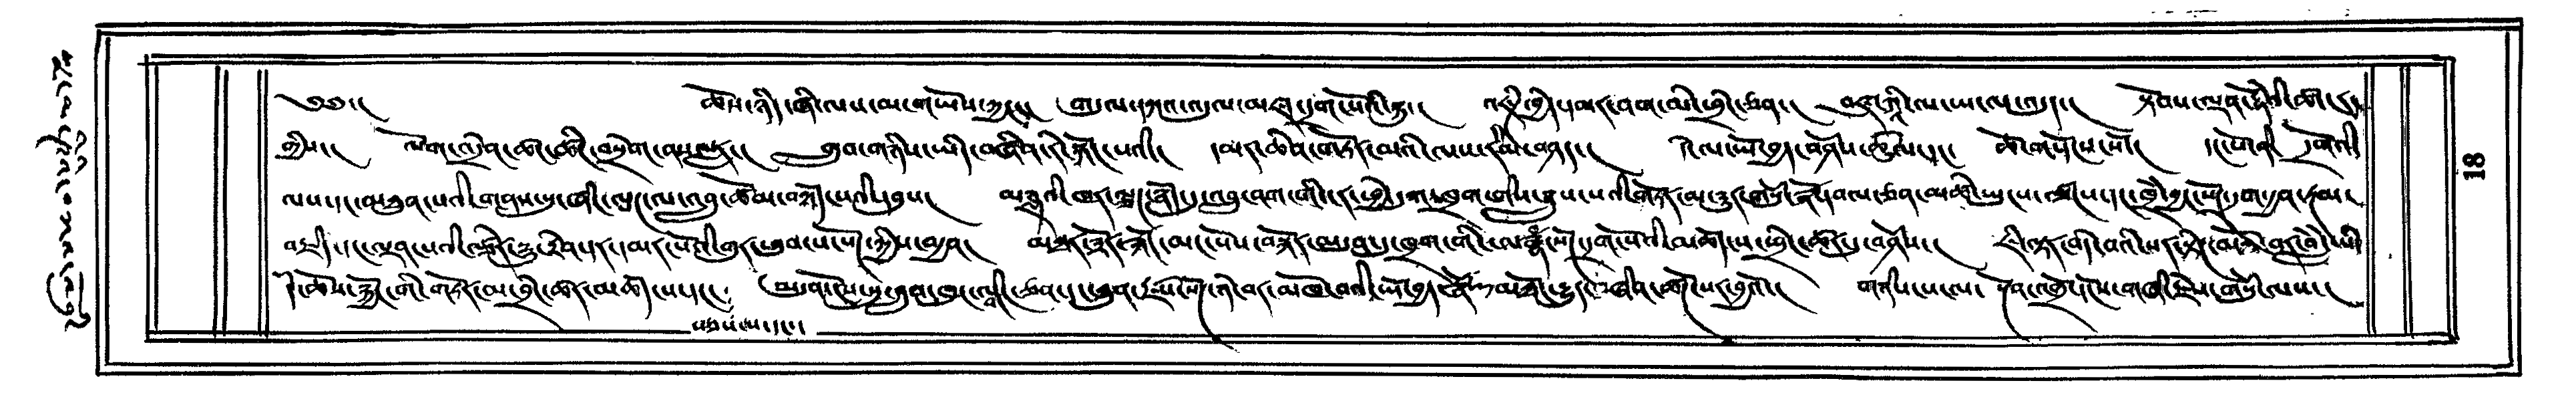༄༅། ཆོས་ཉིད་ཞི་ལས་མ་གཡོས་ཀྱང་། །གདུལ་དཀའ་འདུལ་མཛད་དྲག་པོའི་སྐུ། འཇིགས་བྱེད་དམར་ནག་མེ་ཕྲེང་ཅན། །བཛྲ་ཀཱི་ལ་ཡ་ལ་འདུད། །སྟོབས་ལྡན་རྡོ་རྗེའི་ཚ་ངར་
གྱིས། །ལོག་འདྲེན་ཚང་ཚིང་བསྲེགས་ནས་སླར། །གྲུབ་གཉིས་ཡིད་བཞིན་རེ་སྐོང་པའི། །དམར་ཆེན་གཏོར་མའི་ལས་རིམ་བཤད། །དེ་ལ་ཡོ་བྱད་ཤོམ་ཚུལ་དང་། ཆོ་ག་དངོས་སོ། དང་པོ་ནི། དྲག་པོའི་
ལས་དང་མཐུན་པའི་གནས་སུ་ཞིང་ལྤགས་ལ་འབྲུ་ཚོམ་བཀོད་པའི་དབུས། མཉྫའི་ཁར་ལྕགས་སྣོད་དུ་འབྲུ་ནག་གི་ངར་ཕྱེ་དུག་ཁྲག་གིས་སྦྲུས་པའི་གཏོར་མ་ཟུར་གསུམ་རྣོ་དབལ་ཅན་མཚེ་ཡུངས་རྩང་དང་ཁྲམ་བྱང་སོགས་དྲག་རྒྱན་རྔམ་
བརྗིད་དང་ལྡན་པའི་རྩེར་སྐུ་རྟེན་དར་དམར་པོའི་གུར་ཕུབ་པ་སོགས་ཀྱིས་བརྒྱན། མཐར་ཟོར་ཀོང་མང་པོས་བསྐོར། མདུན་དུ་ཁྲག་གི་ཨརྒྷཾ་སོགས་དྲག་པོའི་མཆོད་པ་ཕྲེང་ཚར་དུ་བཤམས། ཇི་ལྟར་བདེ་བའི་སར་སྟེགས་མཐོ་བར་བླ་མ་ཡི་
དམ་ཆོས་སྐྱོང་གི་གཏོར་མ་བྲེང་ཚར་མཆོད་པ་དང་བཅས་པ་དང་། མདུན་ངོས་སུ་བྲུབ་ཁུང་ལིང་ག་ཅན་དང་ཐུན་རྫས་སོགས་ཉེ་བར་མཁོ་བའི་ཡོ་བྱད་རྣམས་མཐོང་རྒྱུད་བཞིན་ཚོགས་པར་བྱའོ། གཉིས་པ་ལ། སྔོན་འགྲོ་དངོས་གཞི་རྗེས་གསུམ་ལས།